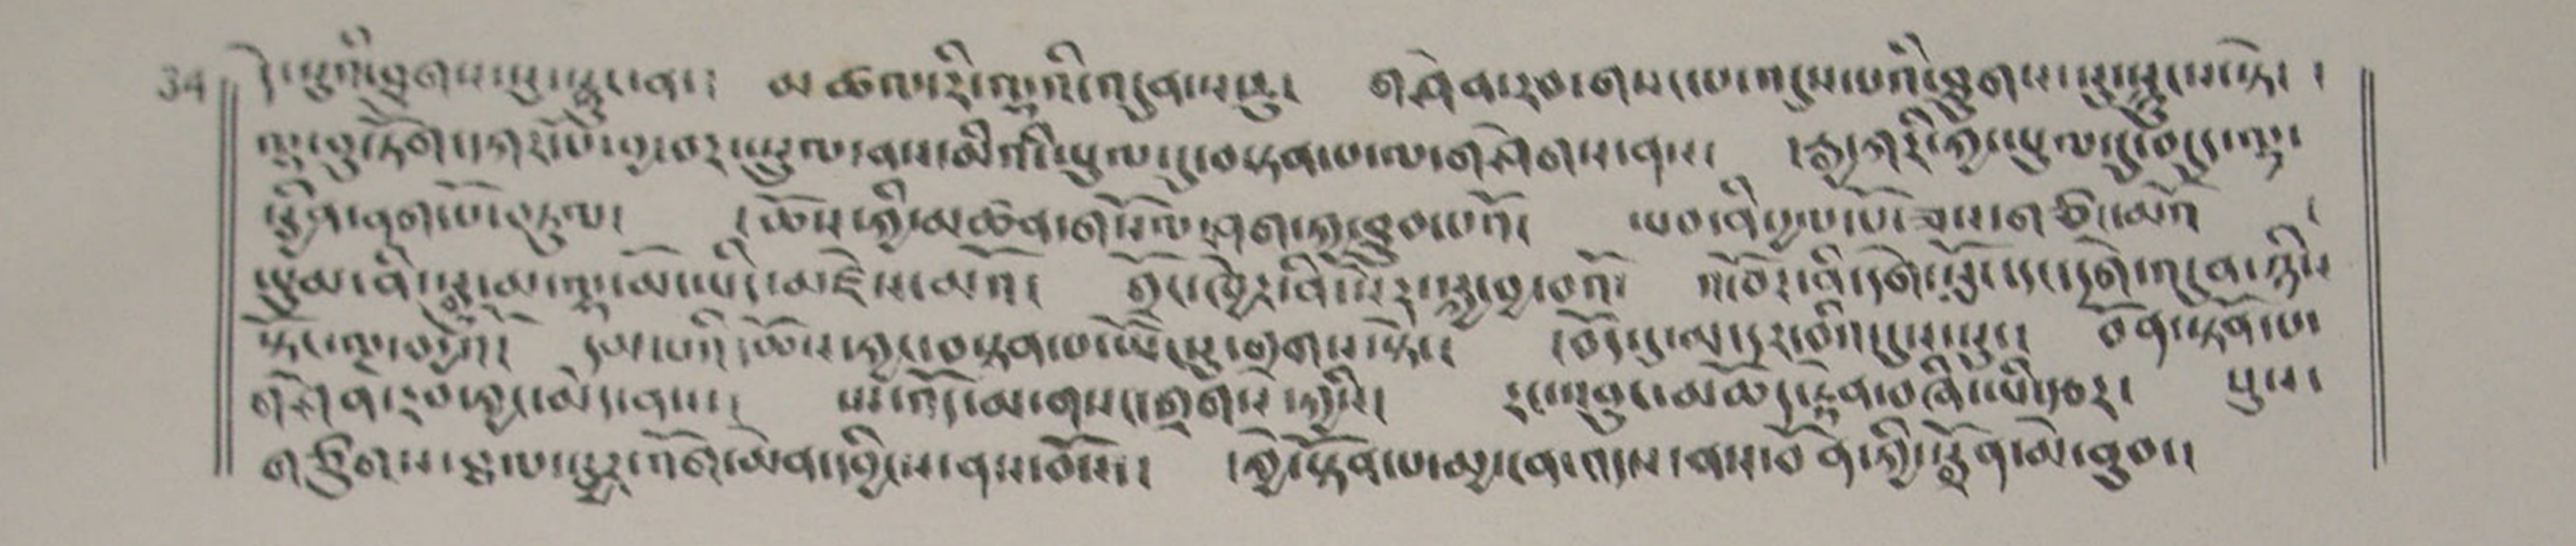དེ་སུའི་ཐུགས་སུ་སྙུང་ནས། མཚལ་རི་ལྷའི་འདུན་ས་རུ། གཤེན་རབ་གསང་བ་འདུས་པའི་ཐུགས་སུ་སྙུངས་ཏེ། 
ལྷ་བུ་ཏོག་དཀར་པོ་བྱ་བ་རུ་སྤྲུལ་ནས་མིའི་ཡུལ་དུ་བསྟན་པ་ལ་གཤེགས་ནས། རྒྱ་གར་གྱི་ཡུལ་དུ་ལྷ་
སྦྱིན་ནག་པོ་བཏུལ། ཆོས་ཀྱི་མཚན་གསོལ་ཤཱཀྱ་ཐུབ་པའོ། །ཡབ་ནི་རྒྱལ་བོ་ཟས་གཙང་མའོ། །
ཡུམ་ནི་སྒྱུ་མའི་ལྷ་མོ་ཡིད་མཛེས་མའོ། །གྲོང་ཁྱེར་ནི་སེར་སྐྱ་བྱ་བའོ། །འཁོར་ནི་དགེ་སློང་དང་དགེ་འདུན་ཉིས་
སྟོང་དང་ལྔ་བརྒྱའོ། །དམ་པའི་ཆོས་ཀྱང་བསྟན་པ་ཡོངས་སུ་གྲགས་སྟེ། །བོད་དུ་མ་དར་བའི་དུས་སུ། བོན་སྟོན་པ་
གཤེན་རབ་ཀྱང་མེད་ནས། སྤ་འོད་མ་གསང་གྲགས་ཀྱིས། རང་འབྱུང་མཆོད་རྟེན་བཞིའི་རྩར། པུས་
བཙུགས་ཐལ་སྦྱོར་འོག་མིན་དབྱིངས་ནས་བོས་སོ། །ཀྱེ་སྟོན་པ་མྱ་ངན་འདས་ནས་བོན་གྱི་སྒྲོན་མེ་ནུབ།